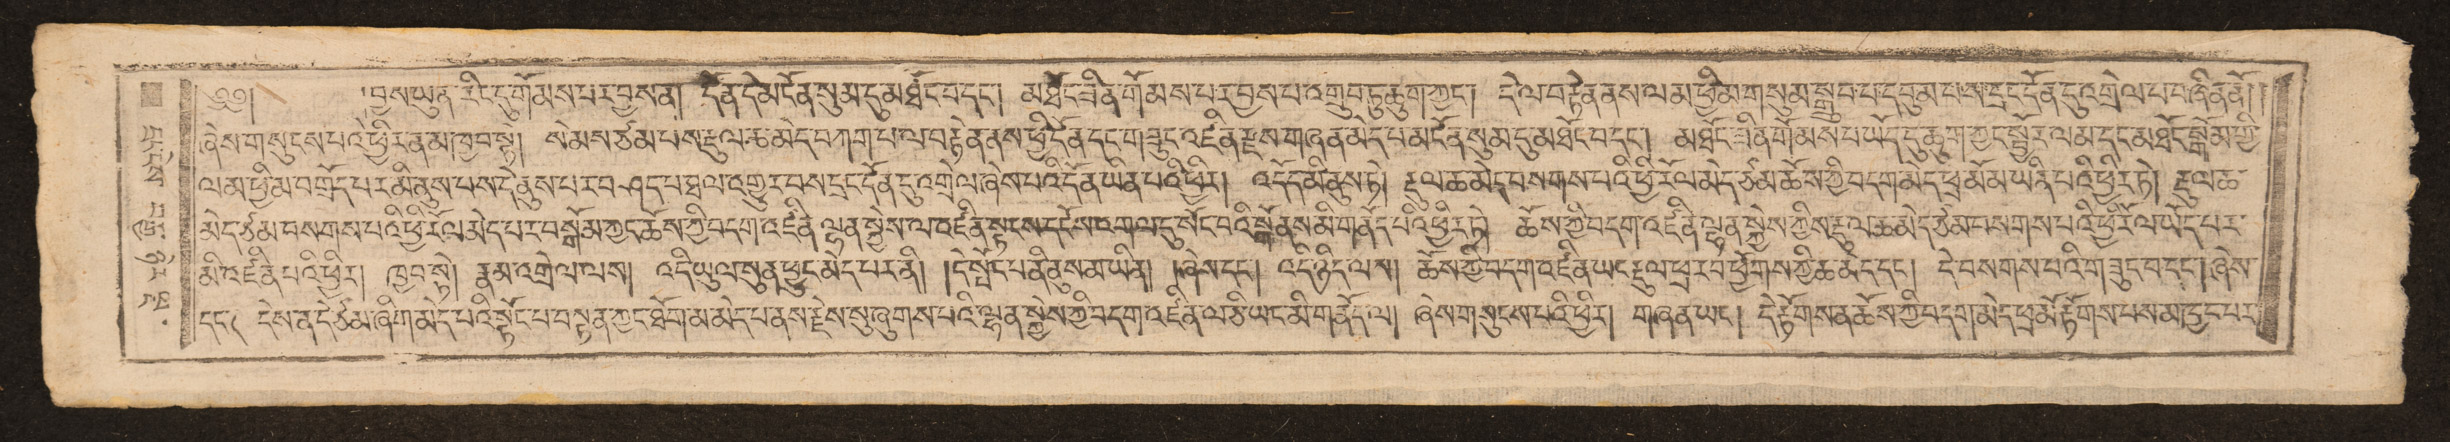༄༅། །བྱས་ཡུན་རིང་དུ་གོམས་པར་བྱས་ན། དོན་དེ་མངོན་སུམ་དུ་མཐོང་བ་དང་། མཐོང་ཟིན་གོམས་པར་བྱས་པ་འགྲུབ་ཏུ་ཆུག་ཀྱང་། དེ་ལ་བརྟེན་ནས་ལམ་ཕྱི་མ་གསུམ་སྒྲུབ་པ་དབུ་མ་པས་དྲང་དོན་དུ་འགྲེལ་པ་བཞིན་ནོ།།
ཞེས་གསུངས་པའི་ཕྱིར་ན་མ་ཁྱབ་སྟེ། སེམས་ཙམ་པས་རྡུལ་ཆ་མེད་བཀག་པ་ལ་བརྟེན་ནས་ཕྱི་དོན་དང་གཟུང་འཛིན་རྫས་གཞན་མེད་པ་མངོན་སུམ་དུ་མཐོང་བ་དང་། མཐོང་ཟིན་གོམས་པ་ཡོད་དུ་ཆུག་ཀྱང་སྦྱོར་ལམ་དང་མཐོང་སྒོམ་གྱི་
ལམ་ཕྱི་མ་བགྲོད་པར་མི་ནུས་པས་དེ་ནུས་པར་བཤད་པ་ཐལ་འགྱུར་བས་དྲང་དོན་དུ་འགྲེལ་ཞེས་པའི་དོན་ཡིན་པའི་ཕྱིར། འདོད་མི་ནུས་ཏེ། རྡུལ་ཆ་མེད་བསགས་པའི་ཕྱི་རོལ་མེད་ཙམ་ཆོས་ཀྱི་བདག་མེད་ཕྲ་མོ་མ་ཡིན་པའི་ཕྱིར་ཏེ། རྡུལ་ཆ་
མེད་ཙམ་བསགས་པའི་ཕྱི་རོལ་མེད་པར་བསྒོམ་ཀྱང་ཆོས་ཀྱི་བདག་འཛིན་ལྷན་སྐྱེས་ལ་འཛིན་སྟངས་དངོས་འགལ་དུ་སོང་བའི་སྒོ་ནས་མི་གནོད་པའི་ཕྱིར་ཏེ། ཆོས་ཀྱི་བདག་འཛིན་ལྷན་སྐྱེས་ཀྱིས་རྡུལ་ཆ་མེད་ཙམ་བསགས་པའི་ཕྱི་རོལ་ཡོད་པར་
མི་འཛིན་པའི་ཕྱིར། ཁྱབ་སྟེ། རྣམ་འགྲེལ་ལས། འདི་ཡུལ་སུན་ཕྱུང་མེད་པར་ནི། །དེ་སྤོང་པ་ནི་ནུས་མ་ཡིན། །ཞེས་དང་། འདི་ཉིད་ལས། ཆོས་ཀྱི་བདག་འཛིན་ཡང་རྡུལ་ཕྲ་རབ་ཕྱོགས་ཀྱི་ཆ་མེད་དང་། དེ་བསགས་པའི་གཟུང་བ་དང་། ཞེས་
དང༑ དེས་ན་དེ་ཙམ་ཞིག་མེད་པའི་སྟོང་པ་བསྟན་ཀྱང་ཐོག་མ་མེད་པ་ནས་རྗེས་སུ་ཞུགས་པའི་ལྷན་སྐྱེས་ཀྱི་བདག་འཛིན་ལ་ཅི་ཡང་མི་གནོད་ལ། ཞེས་གསུངས་པའི་ཕྱིར། གཞན་ཡང་། དེ་རྟོགས་ན་ཆོས་ཀྱི་བདག་མེད་ཕྲ་མོ་རྟོགས་པས་མ་ཁྱབ་པར་